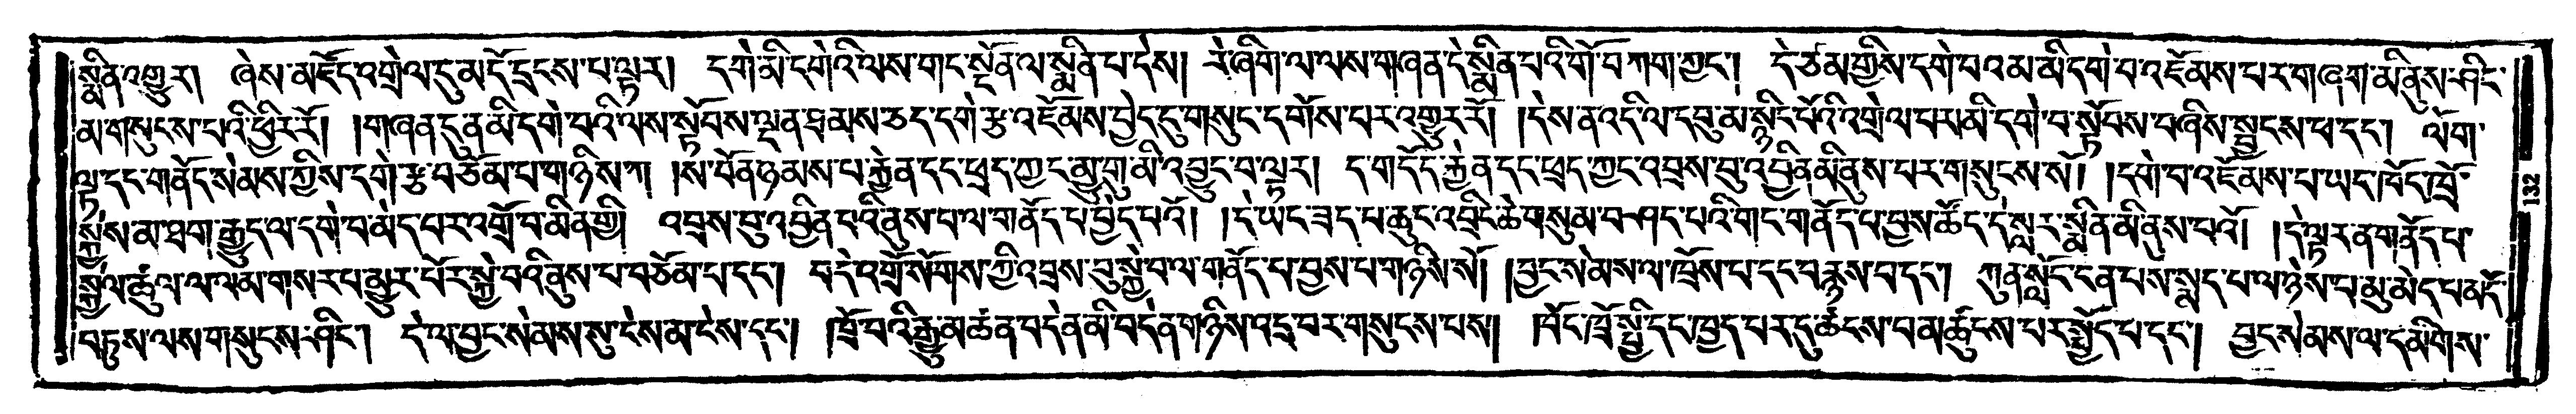སྨིན་འགྱུར། ཞེས་མཛོད་འགྲེལ་དུ་མདོ་དྲངས་པ་ལྟར། དགེ་མི་དགེའི་ལས་གང་སྔོན་ལ་སྨིན་པ་དེས། རེ་ཞིག་ལ་ལས་གཞན་དེ་སྨིན་པའི་གོ་བཀག་ཀྱང་། དེ་ཙམ་གྱིས་དགེ་བའམ་མི་དགེ་བ་འཇོམས་པར་གཞག་མི་ནུས་ཤིང་
མ་གསུངས་པའི་ཕྱིར་རོ། །གཞན་དུ་ན་མི་དགེ་བའི་ལས་སྟོབས་ལྡན་ཐམས་ཅད་དགེ་རྩ་འཇོམས་བྱེད་དུ་གསུང་དགོས་པར་འགྱུར་རོ། །དེས་ན་འདི་ལ་དབུ་མ་སྙིང་པོའི་འགྲེལ་པར། མི་དགེ་བ་སྟོབས་བཞིས་སྦྱངས་པ་དང་། ལོག་
ལྟ་དང་གནོད་སེམས་ཀྱིས་དགེ་རྩ་བཅོམ་པ་གཉིས་ཀ །ས་བོན་ཉམས་པ་རྐྱེན་དང་ཕྲད་ཀྱང་མྱུ་གུ་མི་འབྱུང་བ་ལྟར། ད་གདོད་རྐྱེན་དང་ཕྲད་ཀྱང་འབྲས་བུ་འབྱིན་མི་ནུས་པར་གསུངས་སོ། །དགེ་བ་འཇོམས་པ་ཡང་ཁོང་ཁྲོ་
སྐྱེས་མ་ཐག་རྒྱུད་ལ་དགེ་བ་མེད་པར་འགྲོ་བ་མིན་གྱི། འབྲས་བུ་འབྱིན་པའི་ནུས་པ་ལ་གནོད་པ་བྱེད་པའོ། །དེ་ཡང་ཟད་པ་ཆུང་འབྲིང་ཆེ་གསུམ་བཤད་པའི་གང་གནོད་པ་བྱས་ཚོད་དེ་སླར་སྨིན་མི་ནུས་པའོ། །དེ་ལྟར་ན་གནོད་པ་
སྐྱེལ་ཚུལ་ལ་ལམ་གསར་པ་མྱུར་པོར་སྐྱེ་བའི་ནུས་པ་བཅོམ་པ་དང་། བདེ་འགྲོ་སོགས་ཀྱི་འབྲས་བུ་སྐྱེ་བ་ལ་གནོད་པ་བྱས་པ་གཉིས་སོ། །བྱང་སེམས་ལ་ཁྲོས་པ་དང་བརྙས་པ་དང་། ཀུན་སློང་ངན་པས་སྨད་པ་ལ་ཉེས་པ་མུ་མེད་པ་མདོ་
བཏུས་ལས་གསུངས་ཤིང་། དེ་ལ་བྱང་སེམས་སུ་ངེས་མ་ངེས་དང་། ཁྲོ་བའི་རྒྱུ་མཚན་བདེན་མི་བདེན་གཉིས་འདྲ་བར་གསུངས་པས། ཁོང་ཁྲོ་སྤྱི་དང་ཁྱད་པར་དུ་ཚངས་པ་མཚུངས་པར་སྤྱོད་པ་དང་། བྱང་སེམས་ལ་དམིགས་